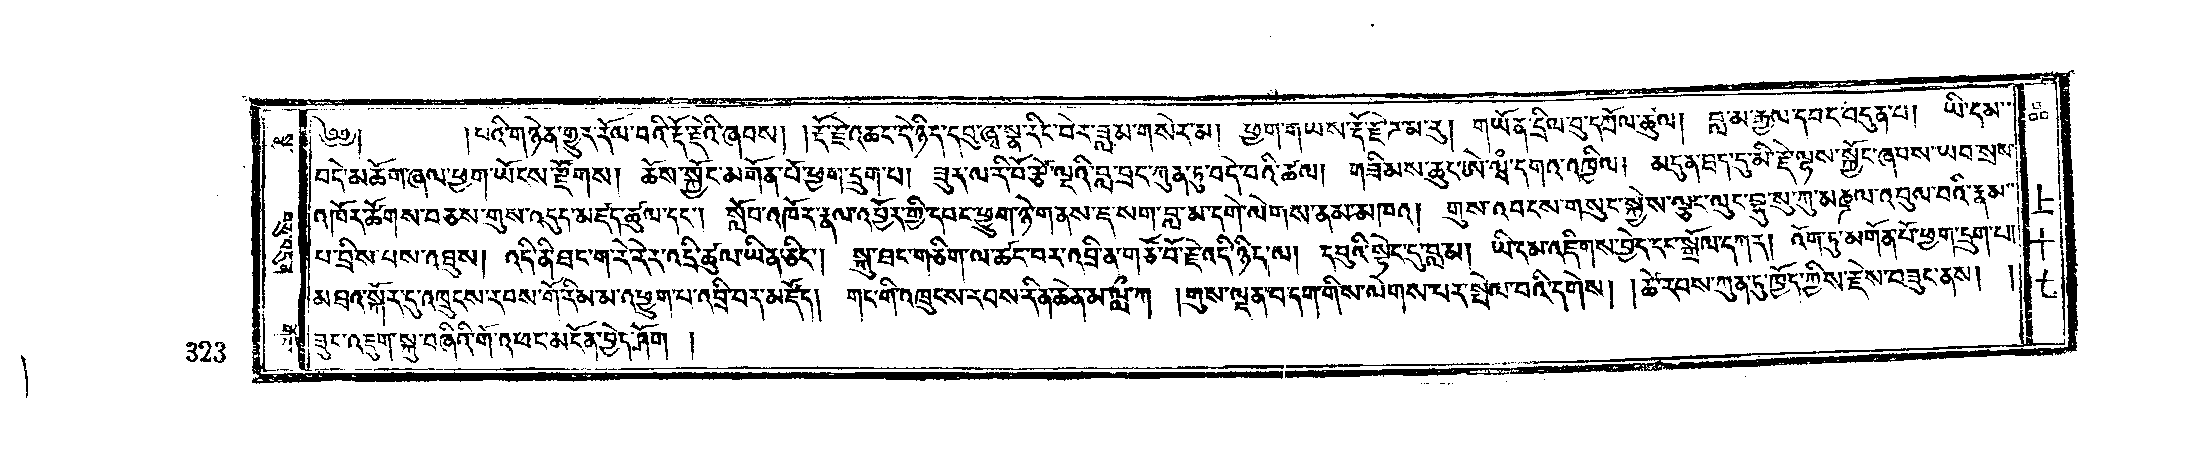༄༅། །པའི་གཉེན་གྱུར་རོལ་བའི་རྡོ་རྗེའི་ཞབས། །རྡོ་རྗེ་འཆང་དེ་ཉིད་དབུ་ཞྭ་སྣ་རིང་བེར་ཟླམ་གསེར་མ། ཕྱག་གཡས་རྡོ་རྗེ་ཌ་མ་རུ། གཡོན་དྲིལ་བུ་དཀྲོལ་ཚུལ། བླ་མ་རྒྱལ་དབང་བདུན་པ། ཡི་དམ་
བདེ་མཆོག་ཞལ་ཕྱག་ཡོངས་རྫོགས། ཆོས་སྐྱོང་མགོན་པོ་ཕྱག་དྲུག་པ། ཟུར་ལ་རི་བོ་རྩེ་ལྔའི་བླ་བྲང་ཀུན་ཏུ་བདེ་བའི་ཚལ། གཟིམས་ཆུང་ཨེ་ཝཾ་དགའ་འཁྱིལ། མདུན་ཐད་དུ་མི་རྗེ་ལྷས་སྐྱོང་ཞབས་ཡབ་སྲས་
འཁོར་ཚོགས་བཅས་གུས་འདུད་མཛད་ཚུལ་དང་། སློབ་འཁོར་རྣལ་འབྱོར་གྱི་དབང་ཕྱུག་ཉེ་གནས་ཇ་སག་བླ་མ་དགེ་ལེགས་ནམ་མཁའ། གུས་འབངས་གསུང་སྐྱེས་ལྕང་ལུང་བྷུ་སུ་ཀུ་མཎྜལ་འབུལ་བའི་རྣམ་
པ་བྲིས་པས་འཐུས། འདི་ནི་ཐང་ག་རེ་རེར་འདྲི་ཚུལ་ཡིན་ཅིང་། སྐུ་ཐང་གཅིག་ལ་ཚང་བར་འབྲི་ན་གཙོ་བོ་རྗེ་འདི་ཉིད་ལ། དབུའི་སྟེང་དུ་བླ་མ། ཡི་དམ་འཇིགས་བྱེད་དང་སྒྲོལ་དཀར། འོག་ཏུ་མགོན་པོ་ཕྱག་དྲུག་པ།
མཐའ་སྐོར་དུ་འཁྲུངས་རབས་གོ་རིམ་མ་འཕྱུག་པ་འབྲི་བར་མཛོད། གང་གི་འཁྲུངས་རབས་རིན་ཆེན་མ་ལླྀ་ཀ། གུས་ལྡན་བདག་གིས་ལེགས་པར་སྤེལ་བའི་དགེས། །ཚེ་རབས་ཀུན་ཏུ་ཁྱོད་ཀྱིས་རྗེས་བཟུང་ནས།
ཟུང་འཇུག་སྐུ་བཞིའི་གོ་འཕང་མངོན་བྱེད་ཤོག །